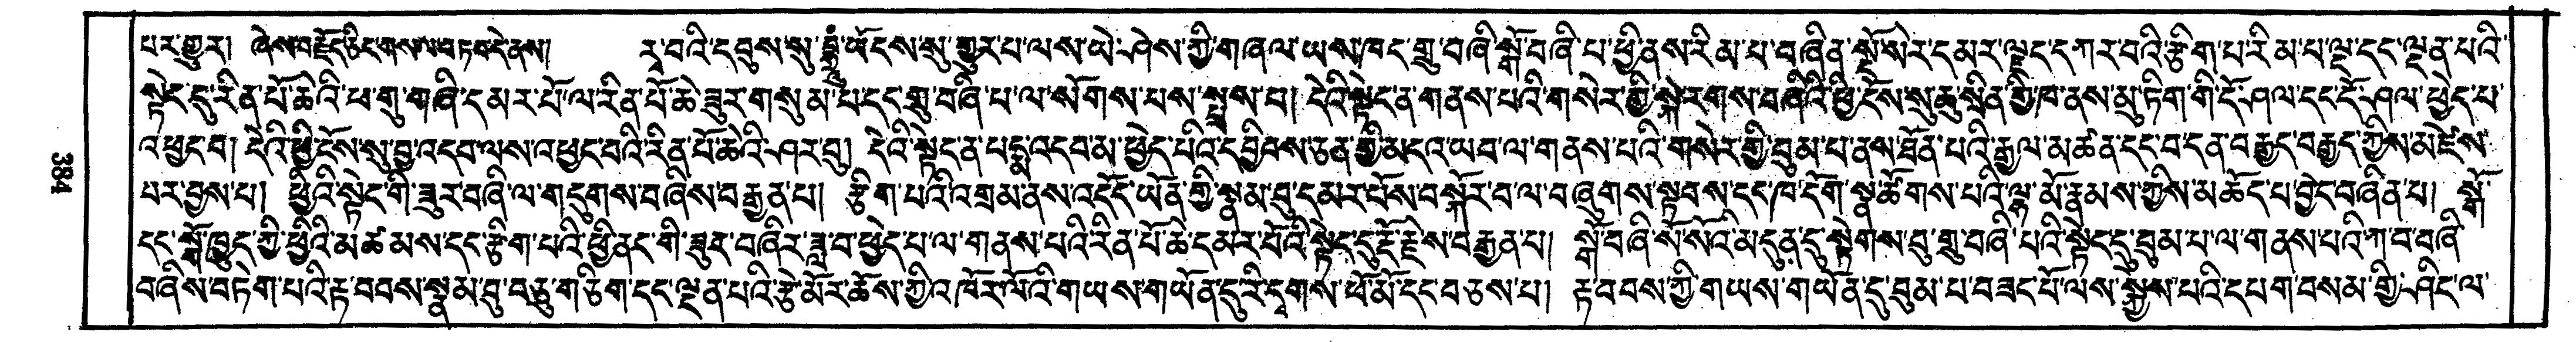བར་གྱུར། ཞེས་བརྗོད་ཅིང་གསལ་བཏབ་དེ་ནས། རྭ་བའི་དབུས་སུ་བྷཱུཾ་ཡོངས་སུ་གྱུར་པ་ལས་ཡེ་ཤེས་ཀྱི་གཞལ་ཡས་ཁང་གྲུ་བཞི་སྒོ་བཞི་པ་ཕྱི་ནས་རིམ་པ་བཞིན་སྔོ་སར་དམར་ལྗང་དཀར་བའི་རྩིག་པ་རིམ་པ་ལྔ་དང་ལྡན་པའི་
སྟེང་དུ་རིན་པོ་ཆེའི་ཕ་གུ་གཞི་དམར་པོ་ལ་རིན་པོ་ཆེ་ཟུར་གསུམ་པ་དང་གྲུ་བཞི་པ་ལ་སོགས་པས་སྤྲས་པ། དེའི་སྟེང་ན་གནས་པའི་གསེར་གྱི་སྐ་རགས་བཞིའི་ཕྱི་ངོས་སུ་ཆུ་སྲིན་གྱི་ཁ་ནས་མུ་ཏིག་གི་དོ་ཤལ་དང་དོ་ཤལ་ཕྱེད་པ་
འཕྱང་བ། དེའི་ཕྱི་ངོས་སུ་བྱ་འདབ་ལས་འཕྱང་བའི་རེན་པོ་ཆེའི་ཤར་བུ། དེའི་སྟེང་ན་པདམ་འདབ་མ་ཕྱེད་པའི་དབྱིབས་ཅན་གྱི་མདའ་ཡབ་ལ་གནས་པའི་གསེར་གྱི་བུམ་པ་ནས་ཐོན་པའི་རྒྱལ་མཚན་དང་བ་དན་བརྒྱད་བརྒྱད་ཀྱིས་མཛས་
པར་བྱས་པ། ཕྱིའི་སྟེང་གི་ཟུར་བཞི་ལ་གདུགས་བཞིས་བརྒྱན་པ། རྩིག་པའི་འགྲམ་ནས་འདོད་ཡོན་གྱི་སྣམ་བུ་དམར་པོས་བསྐོར་བ་ལ་བཞུགས་སྟབས་དང་ཁ་དོག་སྣ་ཚོགས་པའི་ལྷ་མོ་རྣམས་ཀྱིས་མཆོད་པ་བྱེད་བཞིན་པ། སྒོ་
དང་སྒོ་ཁྱུད་ཀྱི་ཕྱིའི་མཚམས་དང་རྩིག་པའི་ཕྱི་ནང་གི་ཟུར་བཞིར་ཟླ་བ་ཕྱེད་པ་ལ་གནས་པའི་རིན་པོ་ཆེ་དམར་པོའི་སྟེང་དུ་རྡོ་རྗེས་བརྒྱན་པ། སྒོ་བཞི་སོ་སོའི་མདུན་དུ་སྟེགས་བུ་གྲུ་བཞི་པའི་སྟེང་དུ་བུམ་པ་ལ་གནས་པའི་ཀ་བ་བཞི་
བཞིས་བཏེག་པའི་རྟ་བབས་སྣམ་བུ་བཅུ་གཅིག་དང་ལྡན་པའི་རྩེ་མོར་ཆོས་ཀྱི་འཁོར་ལོའི་གཡས་གཡོན་དུ་རི་དྭགས་ཕོ་མོ་དང་བཅས་པ། རྟ་བབས་ཀྱི་གཡས་གཡོན་དུ་བུམ་པ་བཟང་པོ་ལས་སྐྱེས་པའི་དཔག་བསམ་གྱི་ཤིང་ལ་